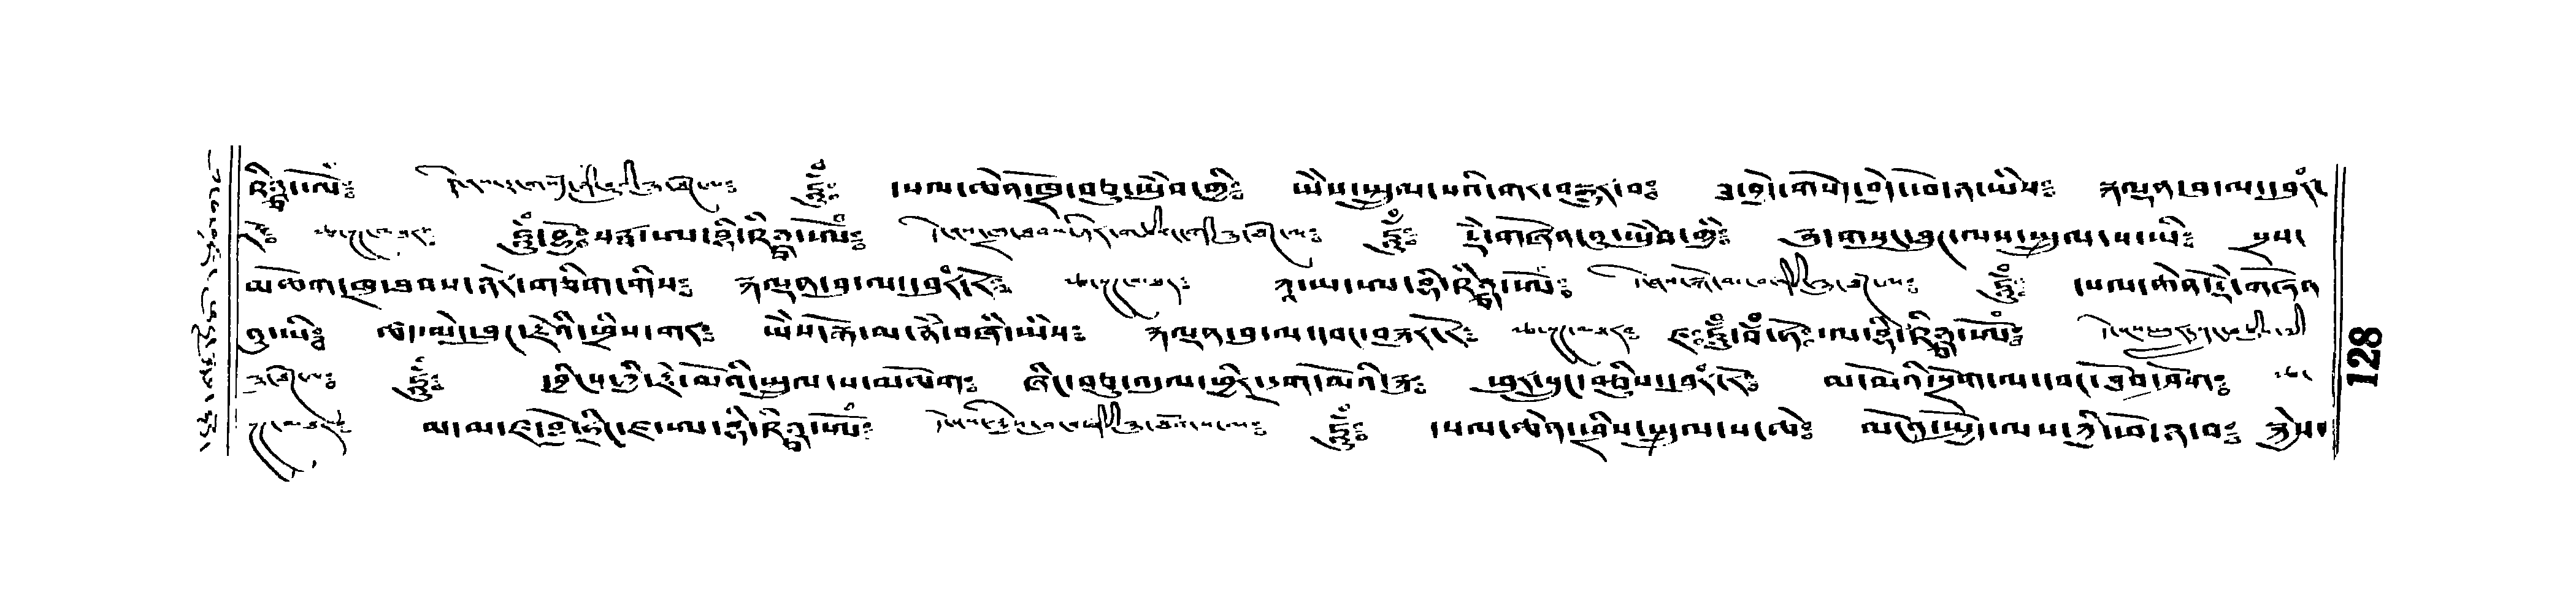རིཉྩ་ཨོཾ༔ དེ་ནས་ཟ་གསོད་ཉི་ཤུའི་སྐུ་ཐོགས་ལ༔ ཧཱུྃ༔ དཔལ་ཆེ་ཁྲོ་བཅུ་ཡབ་ཡུམ་གྱི༔ ཡེ་ཤེས་སྤྲུལ་པའི་གར་བསྒྱུར་བ༔ ཟ་བྱེད་གསོད་བྱེད་ཕོ་ཉ་ཡིས༔ སྐལ་ལྡན་བུ་ལ་དབང་བསྐུར་
རོ༔ རྩ་སྔགས་མཐར༔ ཧཱུྃ་བྷྱོཿསརྦ་ཨ་བྷི་རིཉྩ་ཨོཾ༔ དེ་ནས་ཁྲ་ཐབས་ཉེར་གཅིག་གི་སྐུ་ཐོགས་ལ༔ ཧཱུྃ༔ རྡོ་རྗེ་གཞོན་ནུ་ཡབ་ཡུམ་གྱི༔སྐུ་གསུང་ཐུགས་ལས་སྤྲུལ་པ་ཡི༔ སྲས་
མཆོག་ཁྲ་ཐབས་ཉེར་གཅིག་གིས༔ སྐལ་ལྡན་བུ་ལ་དབང་བསྐུར་རོ༔ རྩ་སྔགས་མཐར༔ ཀཱ་ཡ་ཨ་བྷི་རིཉྩ་ཨོཾ༔ དེ་ནས་སྒོ་མ་བཞིའི་སྐུ་ཐོགས་ལ༔ ཧཱུྃ༔ དཔལ་ཆེན་རྡོ་རྗེ་གཞོན་
ནུ་ཡི༔ ཚད་མེད་ཐུགས་རྗེའི་ཕྲིན་ལས་གར༔ ཡེ་ཤེས་སྒོ་མ་རྣམ་བཞི་ཡིས༔ སྐལ་ལྡན་བུ་ལ་དབང་བསྐུར་རོ༔ རྩ་སྔགས་མཐར༔ ཛཿཧཱུྃ་བྃ་ཧོཿཨ་བྷི་རིཉྩ་ཨོཾ༔ དེ་ནས་ཕུར་སྲུང་བཅུ་གཉིས་ཀྱི་
སྐུ་ཐོགས་ལ༔ ཧཱུྃ༔ དབྱིངས་ཀྱི་རྗེ་མོའི་སྤྲུལ་པ་མཆོག༔ ཞིང་བཅུ་འདུལ་ཕྱིར་དྲག་མོའི་སྐུ༔ ཕུར་སྲུང་བཅུ་གཉིས་དབང་བསྐུར་རོ༔ མ་མོའི་སྲོག་ལ་དབང་ཐོབ་ཤོག༔ རྩ་
སྔགས་མཐར༔ མ་མ་ཛ་བྷྱོ་ཧྲིང་ཛ་ཨ་བྷི་རིཉྩ་ཨོཾ༔ དེ་ནས་སྐྱེས་བུ་བཞིའི་སྐུ་ཐོགས་ལ༔ ཧཱུྃ༔ དཔལ་ཆེན་ཕྲིན་ལས་སྤྲུལ་པ་ཆེ༔ མངོན་སྤྱོད་ལས་ཀྱི་ཕོ་ཉ་བ༔ སྐྱེས་